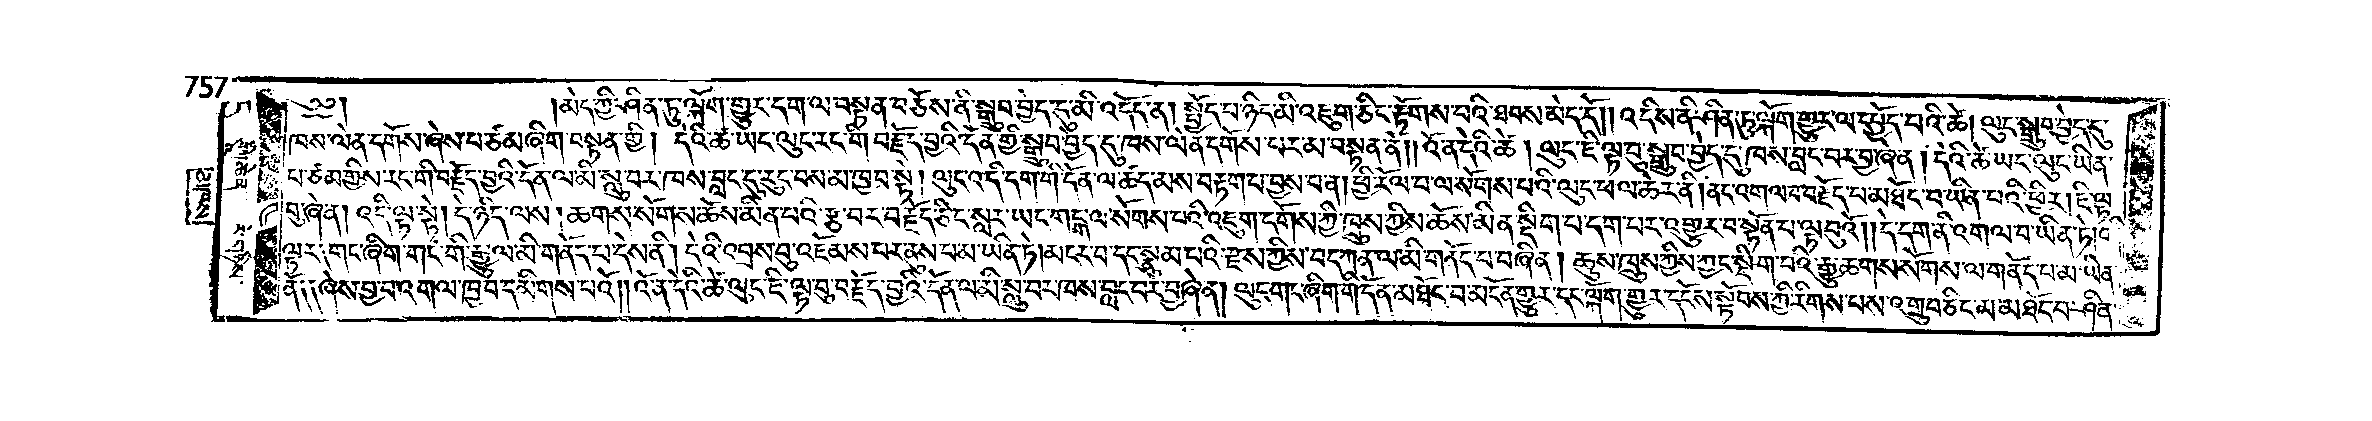༄༅། །མེད་ཀྱི་ཤིན་ཏུ་ལྐོག་གྱུར་དག་ལ་བསྟན་བཅོས་ནི་སྒྲུབ་བྱེད་དུ་མི་འདོད་ན། སྤྱོད་པ་ཉིད་མི་འཇུག་ཅིང་རྟོགས་པའི་ཐབས་མེད་དོ། །འདིས་ནི་ཤིན་ཏུ་ལྐོག་གྱུར་ལ་དཔྱོད་པའི་ཚེ། ལུང་སྒྲུབ་བྱེད་དུ་
ཁས་ལེན་དགོས་ཞེས་པ་ཙམ་ཞིག་བསྟན་གྱི། དེའི་ཚེ་ཡང་ལུང་རང་གི་བརྗོད་བྱའི་དོན་གྱི་སྒྲུབ་བྱེད་དུ་ཁས་ལེན་དགོས་པར་མ་བསྟན་ནོ། །འོ་ན་དེའི་ཚེ། ལུང་ཇི་ལྟ་བུ་སྒྲུབ་བྱེད་དུ་ཁས་བླང་བར་བྱ་ཞེ་ན། དེའི་ཚེ་ཡང་ལུང་ཡིན་
པ་ཙམ་གྱིས་རང་གི་བརྗོད་བྱའི་དོན་ལ་མི་སླུ་བར་ཁས་བླང་དུ་རུང་བས་མ་ཁྱབ་སྟེ། ལུང་འདི་དག་གི་དོན་ལ་ཚད་མས་བརྟག་པ་བྱས་པ་ན། ཕྱི་རོལ་བ་ལ་སོགས་པའི་ལུང་ཕལ་ཆེར་ནི། ནང་འགལ་བ་བརྗོད་པ་མཐོང་བ་ཡིན་པའི་ཕྱིར། ཇི་ལྟ་
བུ་ཞེ་ན། འདི་ལྟ་སྟེ། དེ་ཉིད་ལས། ཆགས་སོགས་ཆོས་མིན་པའི་རྩ་བར་བརྗོད་ཅིང་སླར་ཡང་གང་ག་ལ་སོགས་པའི་འཇུག་དགོས་ཀྱི་ཁྲུས་ཀྱིས་ཆོས་མིན་སྡིག་པ་དག་པར་འགྱུར་བ་སྟོན་པ་ལྟ་བུའོ། །དེ་དག་ནི་འགལ་བ་ཡིན་ཏེ། འདི་
ལྟར། གང་ཞིག་གང་གི་རྒྱུ་ལ་མི་གནོད་པ་དེས་ནི། དེའི་འབྲས་བུ་འཇོམས་པར་ནུས་པ་མ་ཡིན་ཏེ། མངར་བ་དང་སྣུམ་པའི་རྫས་ཀྱིས་བད་ཀན་ལ་མི་གནོད་པ་བཞིན། ཆུས་ཁྲུས་ཀྱིས་ཀྱང་སྡིག་པའི་རྒྱུ་ཆགས་སོགས་ལ་གནོད་པ་མ་ཡིན་
ནོ། །ཞེས་བྱ་བ་འགལ་ཁྱབ་དམིགས་པའོ། །འོ་ན་དེའི་ཚེ་ལུང་ཇི་ལྟ་བུ་བརྗོད་བྱའི་དོན་ལ་མི་སླུ་བར་ཁས་བླང་བར་བྱ་ཞེ་ན། ལུང་གང་ཞིག་གི་དོན་མཐོང་བ་མངོན་གྱུར་དང་ལྐོག་གྱུར་དངོས་སྟོབས་ཀྱི་རིགས་པས་འགྲུབ་ཅིང་། མ་མཐོང་བ་ཤིན་